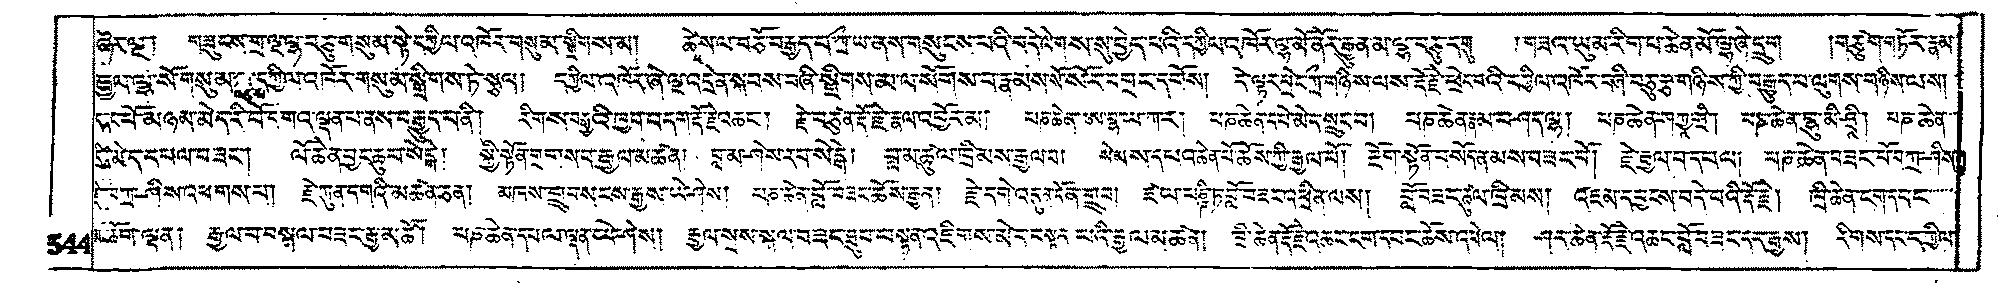ཉེར་ལྔ། གཟུངས་གྲ་ལྔ་ལྷ་བཅུ་གསུམ་སྟེ་དཀྱིལ་འཁོར་གསུམ་སྒྲིགས་མ། ཚེས ༥་ལ་བཅོ་བརྒྱད་པ་ཀྲྀ་ཡ་ནས་གསུངས་པའི་བདེ་ལེགས་སུ་བྱེད་པའི་དཀྱིལ་འཁོར་ལྷ་མོ་ནོར་རྒྱུན་མ་ལྷ་བཅུ་དགུ །གཟའ་ཡུམ་རིག་པ་ཆེན་མོ་ལྷ་ཞེ་དྲུག །གཙུག་གཏོར་རྣམ་
རྒྱལ་ལྷ་སོ་གསུམ་བཅས་དཀྱིལ་འཁོར་གསུམ་སྒྲིགས་ཏེ་སྩལ། དཀྱིལ་འཁོར་ཞེ་ལྔ་འདྲེན་སྐབས་བཞི་སྒྲིགས་མ་ལ་སོགས་པ་རྣམས་སོ་སོར་བགྲང་དགོས། དེ་ལྟར་ཕྲེང་ཀྲྀ་གཉིས་ལས་རྡོ་རྗེ་ཕྲེང་བའི་དཀྱིལ་འཁོར་བཞི་བཅུ་རྩ་གཉིས་ཀྱི་བརྒྱུད་པ་ལུགས་གཉིས་ལས།
དང་པོ་མཉམ་མེད་རི་བོ་དགའ་ལྡན་པ་ནས་བརྒྱུད་པ་ནི། རིགས་བརྒྱའི་ཁྱབ་བདག་རྡོ་རྗེ་འཆང་། རྗེ་བཙུན་རྡོ་རྗེ་རྣལ་འབྱོར་མ། པཎ་ཆེན་ཨ་བྷ་ཡ་ཀ་ར། པཎ་ཆེན་དཔེ་མེད་སྲུང་བ། པཎ་ཆེན་རྣམ་བཤད་ལྷ། པཎ་ཆེན་ཤཀྱཱ་ཤྲི། པཎ་ཆེན་བྷུ་མི་ཤྲཱི། པཎ་ཆེན་
དྲི་མེད་དཔལ་བཟང་། ལོ་ཆེན་བྱང་ཆུབ་སེངྒེ། སྐྱི་སྟོན་གྲགས་པ་རྒྱལ་མཚན། བླ་མ་ཤེས་རབ་སེངྒེ། བླ་མ་ཚུལ་ཁྲིམས་རྒྱལ་བ། སེམས་དཔའ་ཆེན་པོ་ཆོས་ཀྱི་རྒྱལ་པོ། རྔོག་སྟོན་བསོད་ནམས་བཟང་པོ། རྗེ་རྒྱལ་བ་དཔལ། པཎ་ཆེན་བཟང་པོ་བཀྲ་ཤིས།།
རྗེ་བཀྲ་ཤིས་འཕགས་པ། རྗེ་ཀུན་དགའི་མཚན་ཅན། མཁས་གྲུབ་སངས་རྒྱས་ཡེ་ཤེས། པཎ་ཆེན་བློ་བཟང་ཆོས་རྒྱན། རྗེ་དགེ་འདུན་དོན་གྲུབ། རྫ་ཡ་པཎྜི་ཏ་བློ་བཟང་འཕྲིན་ལས། བློ་བཟང་ཚུལ་ཁྲིམས། འཇམ་དབྱངས་བདེ་བའི་རྡོ་རྗེ། ཁྲི་ཆེན་ངག་དབང་
མཆོག་ལྡན། རྒྱལ་བ་བསྐལ་བཟང་རྒྱ་མཚོ། པཎ་ཆེན་དཔལ་ལྡན་ཡེ་ཤེས། རྒྱལ་སྲས་སྐལ་བཟང་ཐུབ་བསྟན་འཇིགས་མེད་བསྟན་པའི་རྒྱལ་མཚན། ཁྲི་ཆེན་རྡོ་རྗེ་འཆང་ངག་དབང་ཆོས་འཕེལ། ཤར་ཆེན་རྡོ་རྗེ་འཆང་བློ་བཟང་དར་རྒྱས། རིགས་དང་དཀྱིལ་